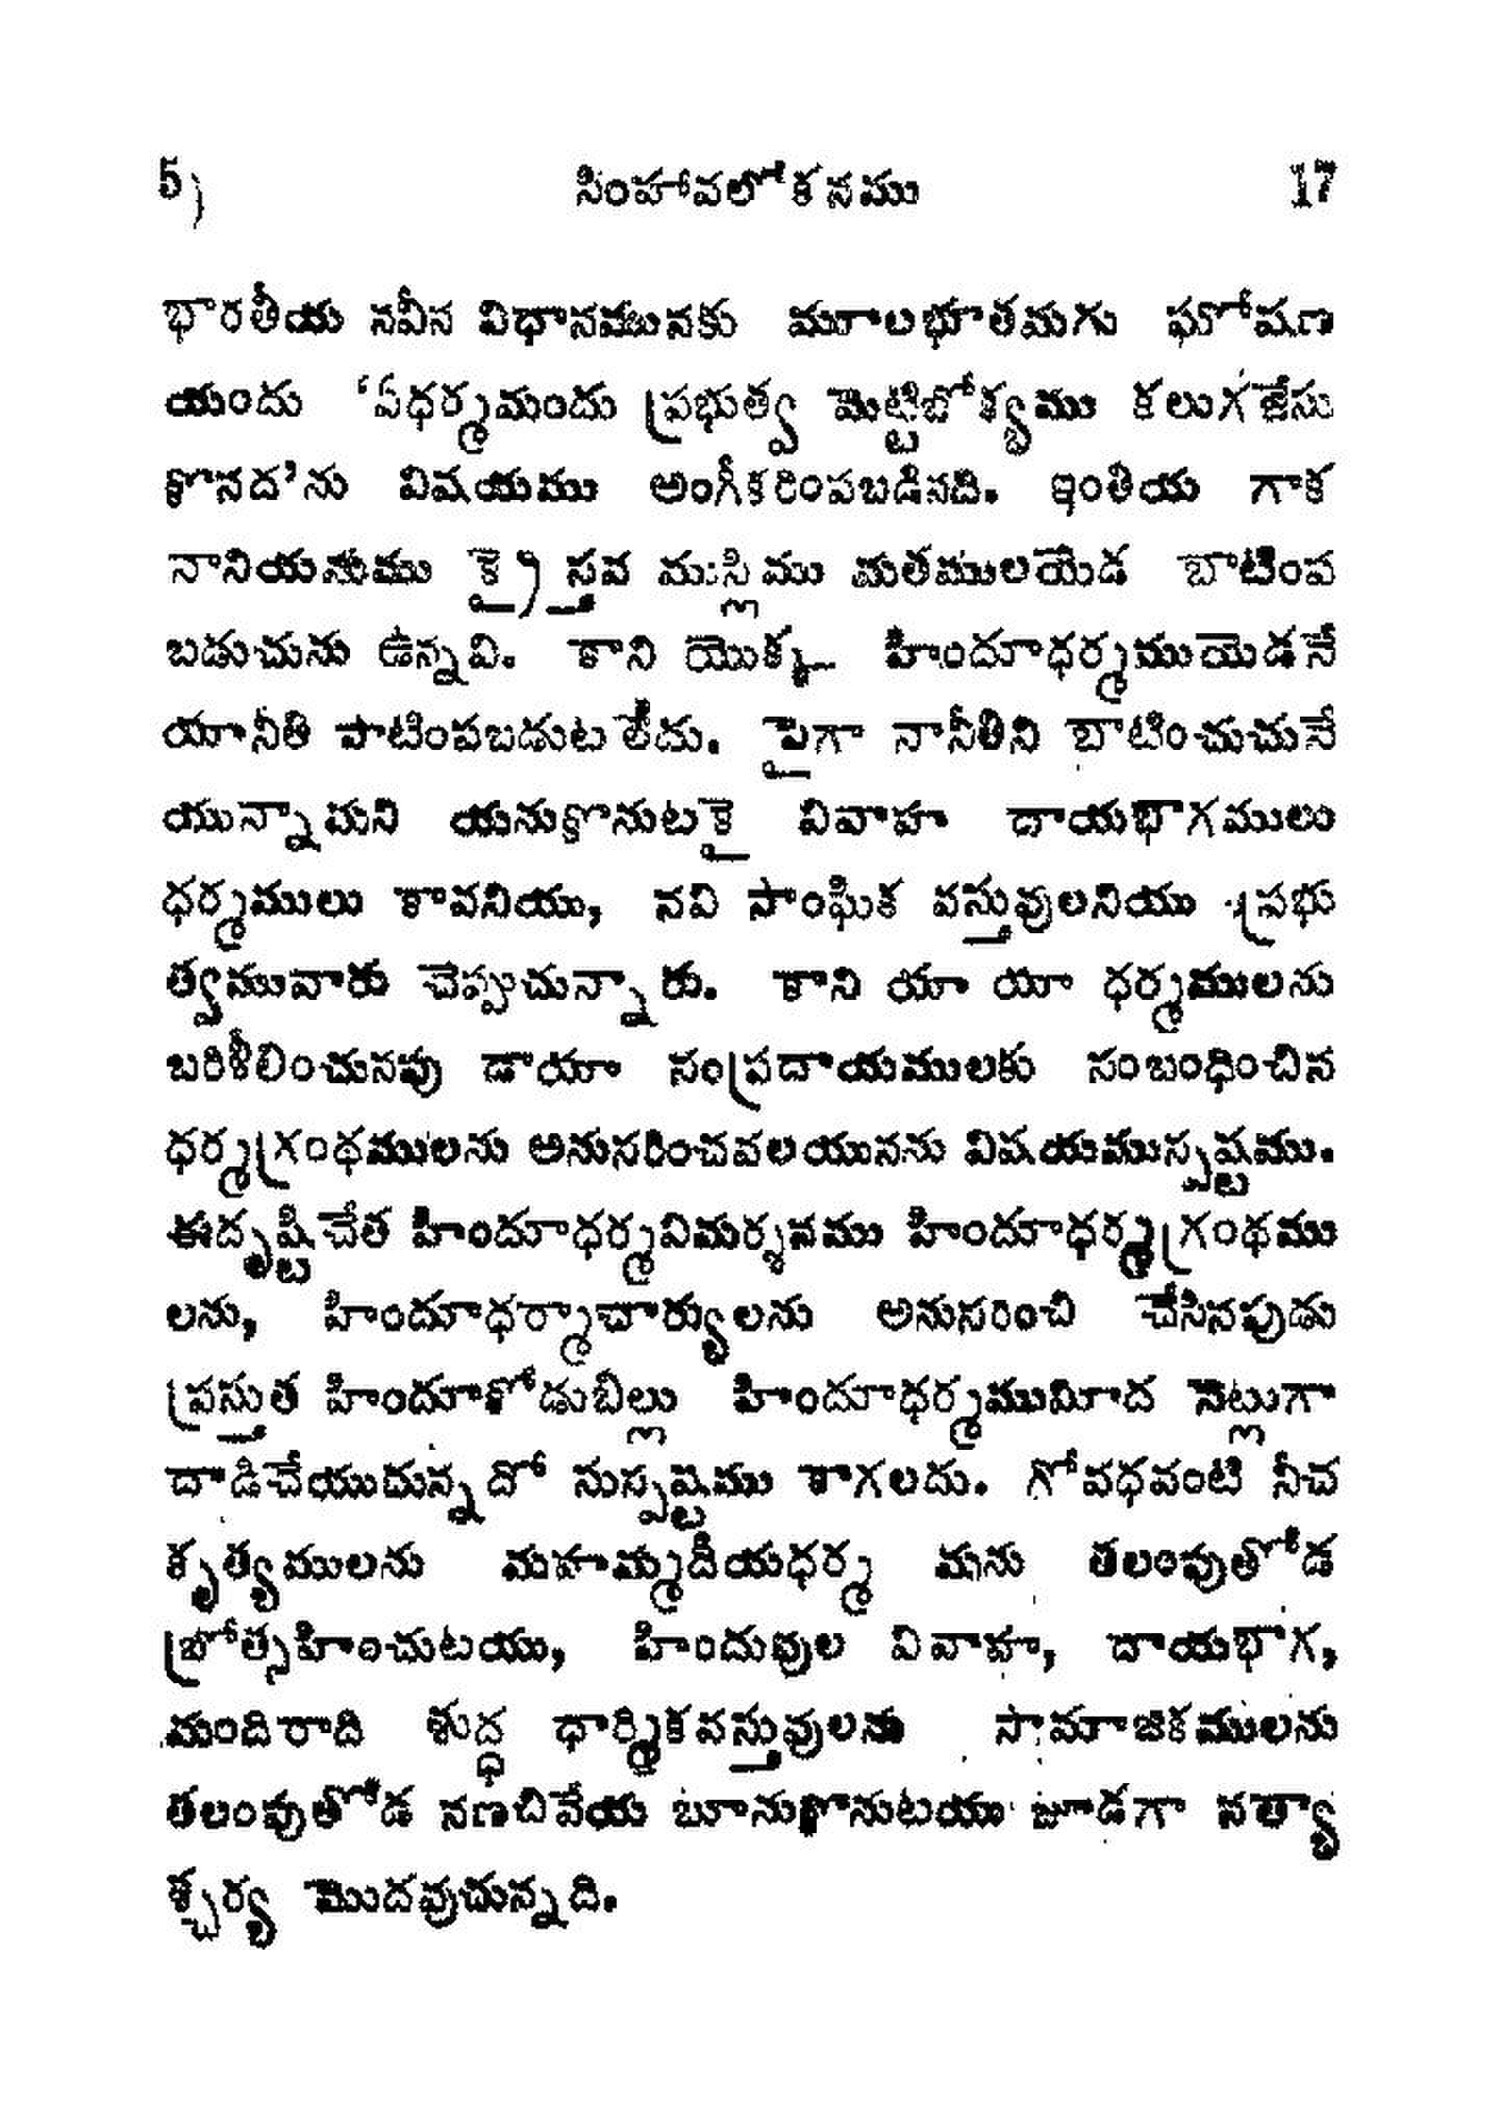భారతీయ నవీన విధానమునకు మూలభూతమగు ఘోషణ
యందు 'ఏధర్మమందు ప్రభుత్వ మెట్టిజోక్యము కలుగజేసు
కొనద’ను విషయము అంగీకరింపబడినది. ఇంతియ గాక
నానియమము క్రైస్తవ ముస్లిము మతములయెడ బాటింప
బడుచును ఉన్నవి. కాని యొక్క హిందూధర్మముయెడనే
యానీతి పాటింపబడుట లేదు. పైగా నానీతిని బాటించుచునే
యున్నామని యనుకొనుటకై వివాహ దాయభాగములు
ధర్మములు కావనియు, నవి సాంఘిక వస్తువులనియు ప్రభు
త్వమువారు చెప్పుచున్నారు. కాని యా యా ధర్మములను
బరిశీలించునపు డాయా సంప్రదాయములకు సంబంధించిన
ధర్మగ్రంథములను అనుసరించవలయునను విషయముస్పష్టము.
ఈదృష్టి చేత హిందూధర్మవిమర్శనము హిందూధర్మ గ్రంథము
లను, హిందూధర్మాచార్యులను అనుసరించి చేసినపుడు
ప్రస్తుత హిందూకోడుబిల్లు హిందూధర్మముమీద నెట్లుగా
దాడిచేయుచున్నదో సుస్పష్టము కాగలదు. గోవధవంటి నీచ
కృత్యములను మహమ్మదీయధర్మ మను తలంపుతోడ
ప్రోత్సహించుటయు, హిందువుల వివాహ, దాయభాగ,
మందిరాది శుద్ధ ధార్మికవస్తువులను, సామాజికములను
తలంపుతోడ నణచివేయ బూనుకొనుటయు జూడగా 
నత్యాశ్చర్య మొదవుచున్నది.